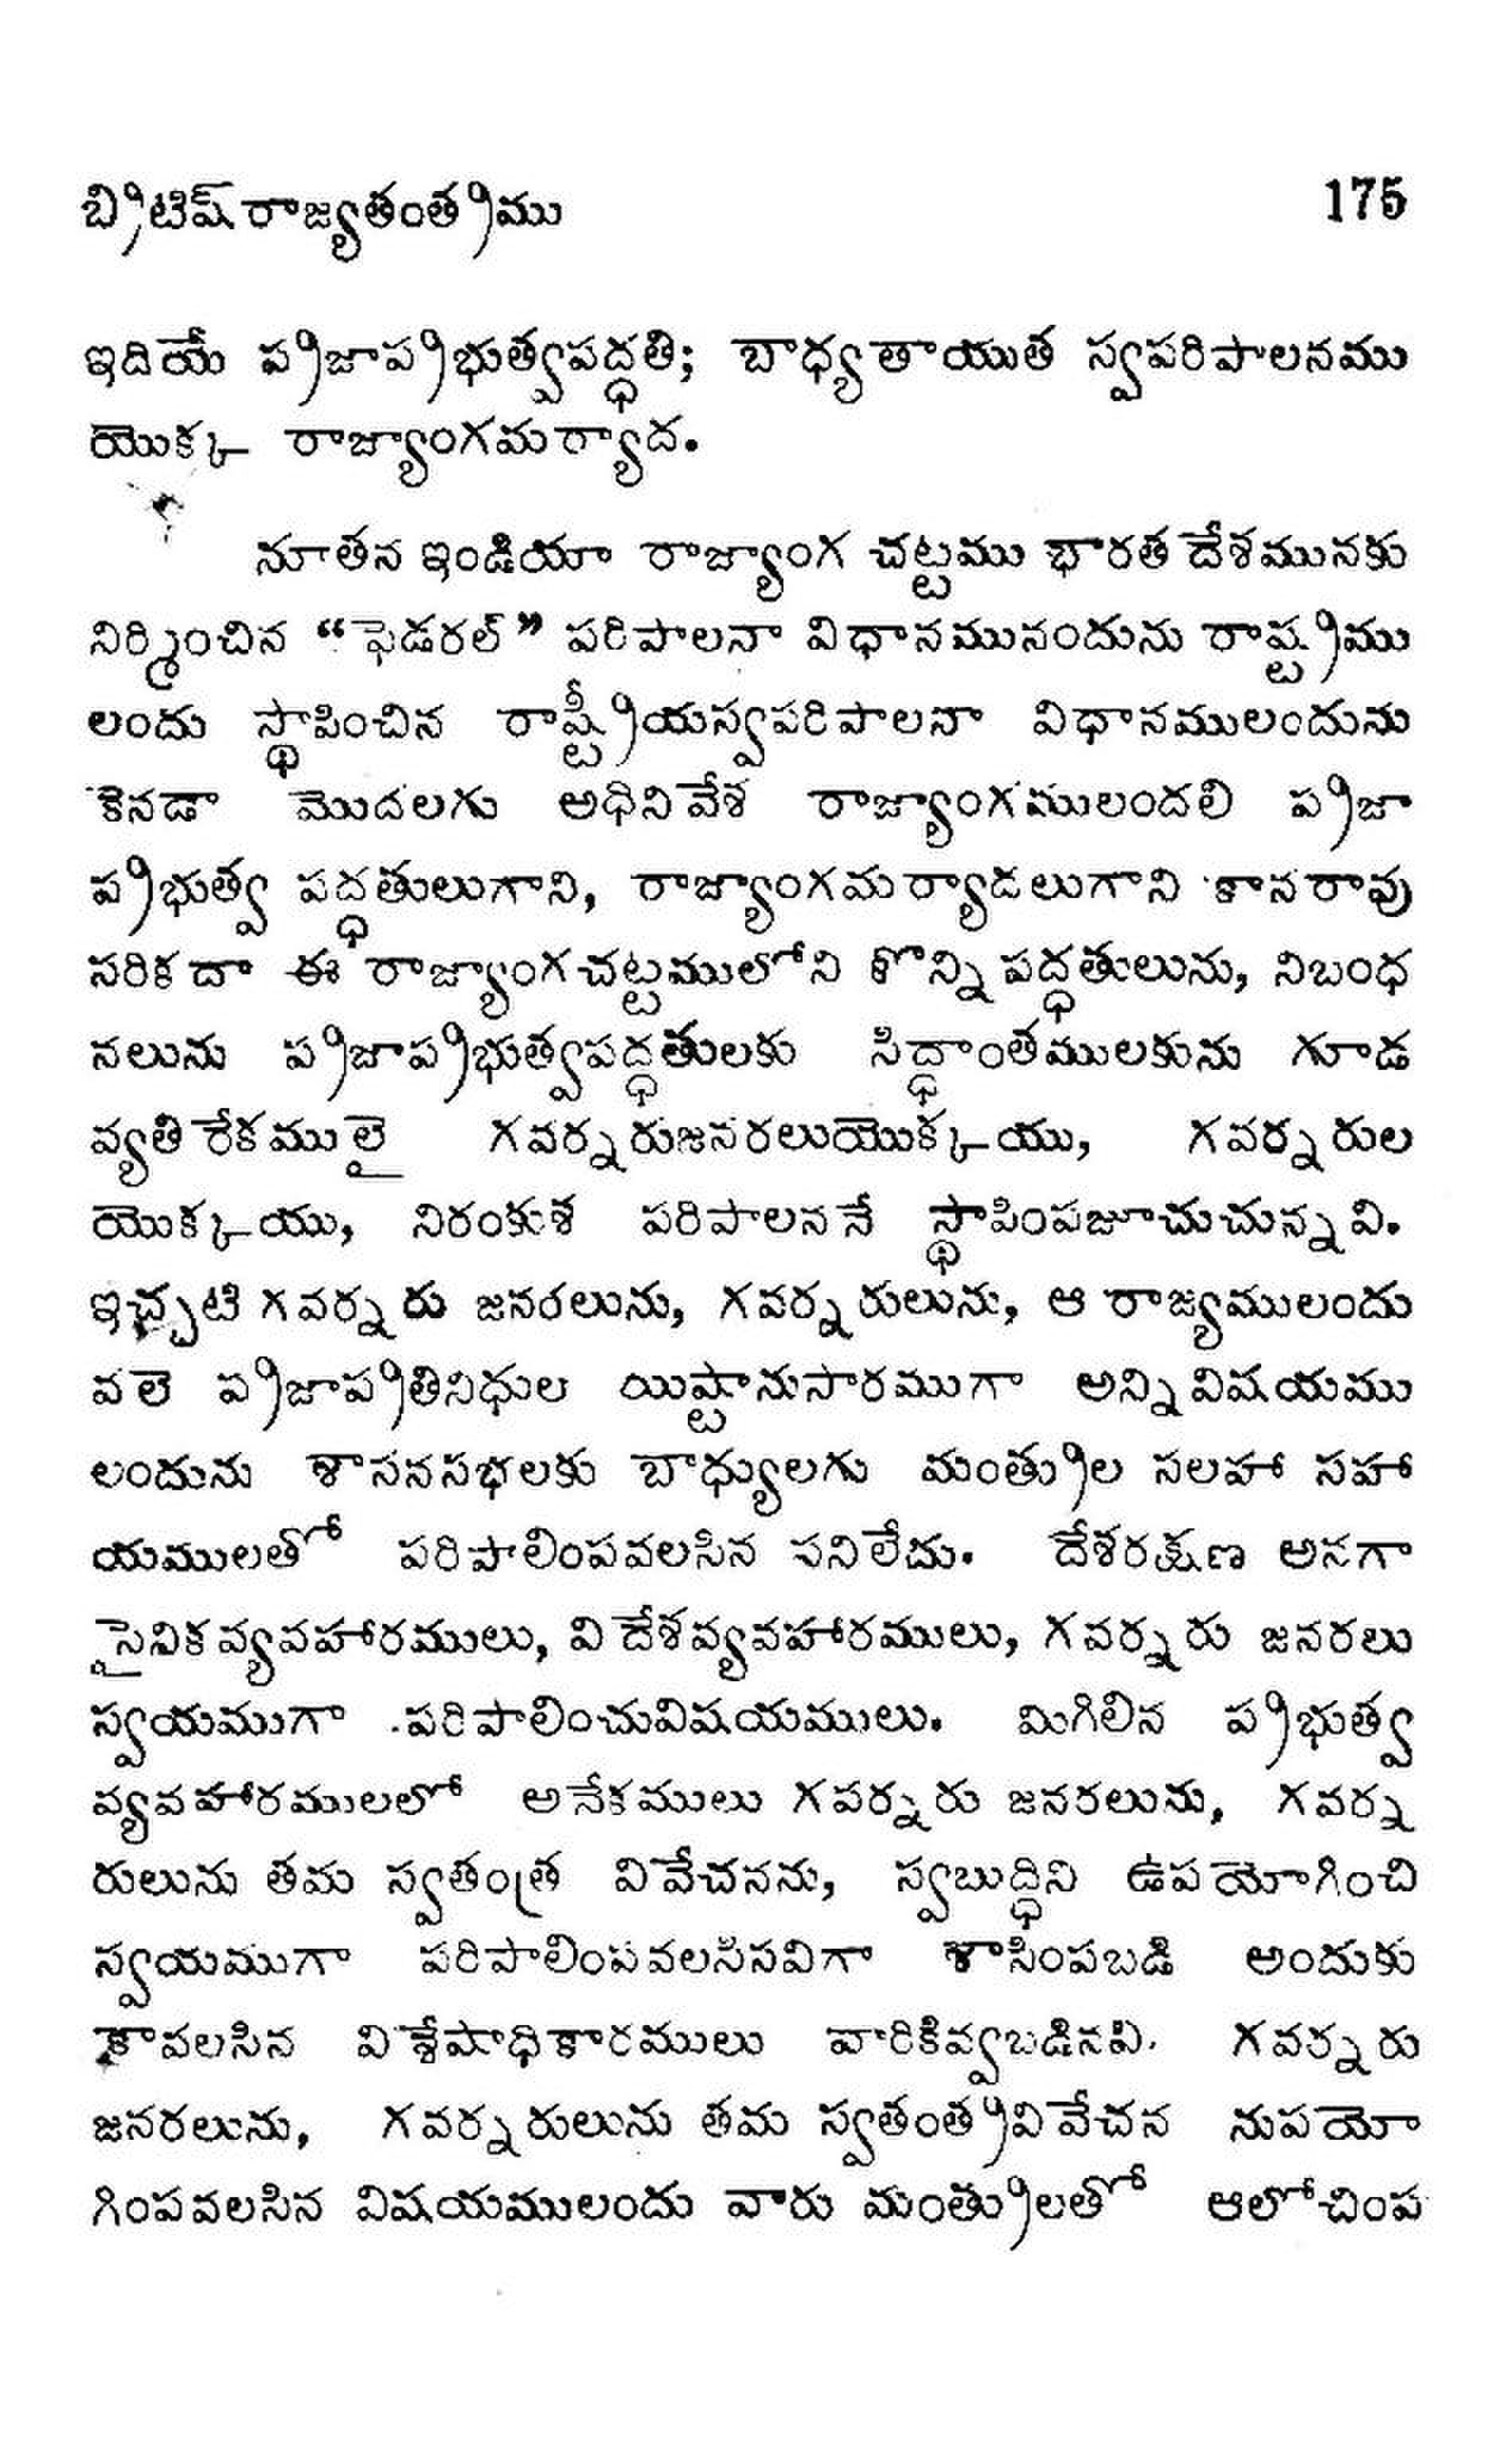ఇదియే ప్రజాప్రభుత్వపద్ధతి; బాధ్యతాయుత స్వపరిపాలనముయొక్క రాజ్యాంగమర్యాద.

నూతనఇండియా రాజ్యాంగ చట్టము భారతదేశమునకు నిర్మించిన "ఫెడరల్" పరిపాలనా విధానమునందును రాష్ట్రములందు స్థాపించిన రాష్ట్రీయస్వపరిపాలనా విధానములందును కెనడా మొదలగు అధినివేశ రాజ్యాంగములందలి ప్రజాప్రభుత్వ పద్దతులుగాని, రాజ్యాంగమర్యాదలుగాని కానరావు సరికదా ఈ రాజ్యాంగచట్టములోని కొన్నిపద్ధతులును, నిబంధనలును ప్రజాప్రభుత్వపద్ధతులకు సిద్ధాంతములకును గూడ వ్యతిరేకములై గవర్నరుజనరలుయొక్కయు, గవర్నరులయొక్కయు, నిరంకుశ పరిపాలననే స్థాపింపజూచుచున్నవి. ఇచ్చటి గవర్నరు జనరలును, గవర్నరులును, ఆ రాజ్యములందువలె ప్రజాప్రతినిధుల యిష్టానుసారముగా అన్నివిషయములందును శాసనసభలకు బాధ్యులగు మంత్రుల సలహా సహాయములతో పరిపాలింపవలసిన పనిలేదు. దేశరక్షణ అనగా సైనికవ్యవహారములు, విదేశవ్యవహారములు, గవర్నరు జనరలు స్వయముగా పరిపాలించువిషయములు. మిగిలిన ప్రభుత్వ వ్యవహారములలో అనేకములు గవర్నరు జనరలును, గవర్నరులును తమ స్వతంత్ర వివేచనను, స్వబుద్దిని ఉపయోగించి స్వయముగా పరిపాలింపవలసినవిగా శాసింపబడి అందుకు కావలసిన విశేషాధికారములు వారికివ్వబడినవి. గవర్నరు జనరలును, గవర్నరులును తమ స్వతంతవివేచన నుపయోగింపవలసిన విషయములందు వారు మంత్రులతో ఆలోచింప